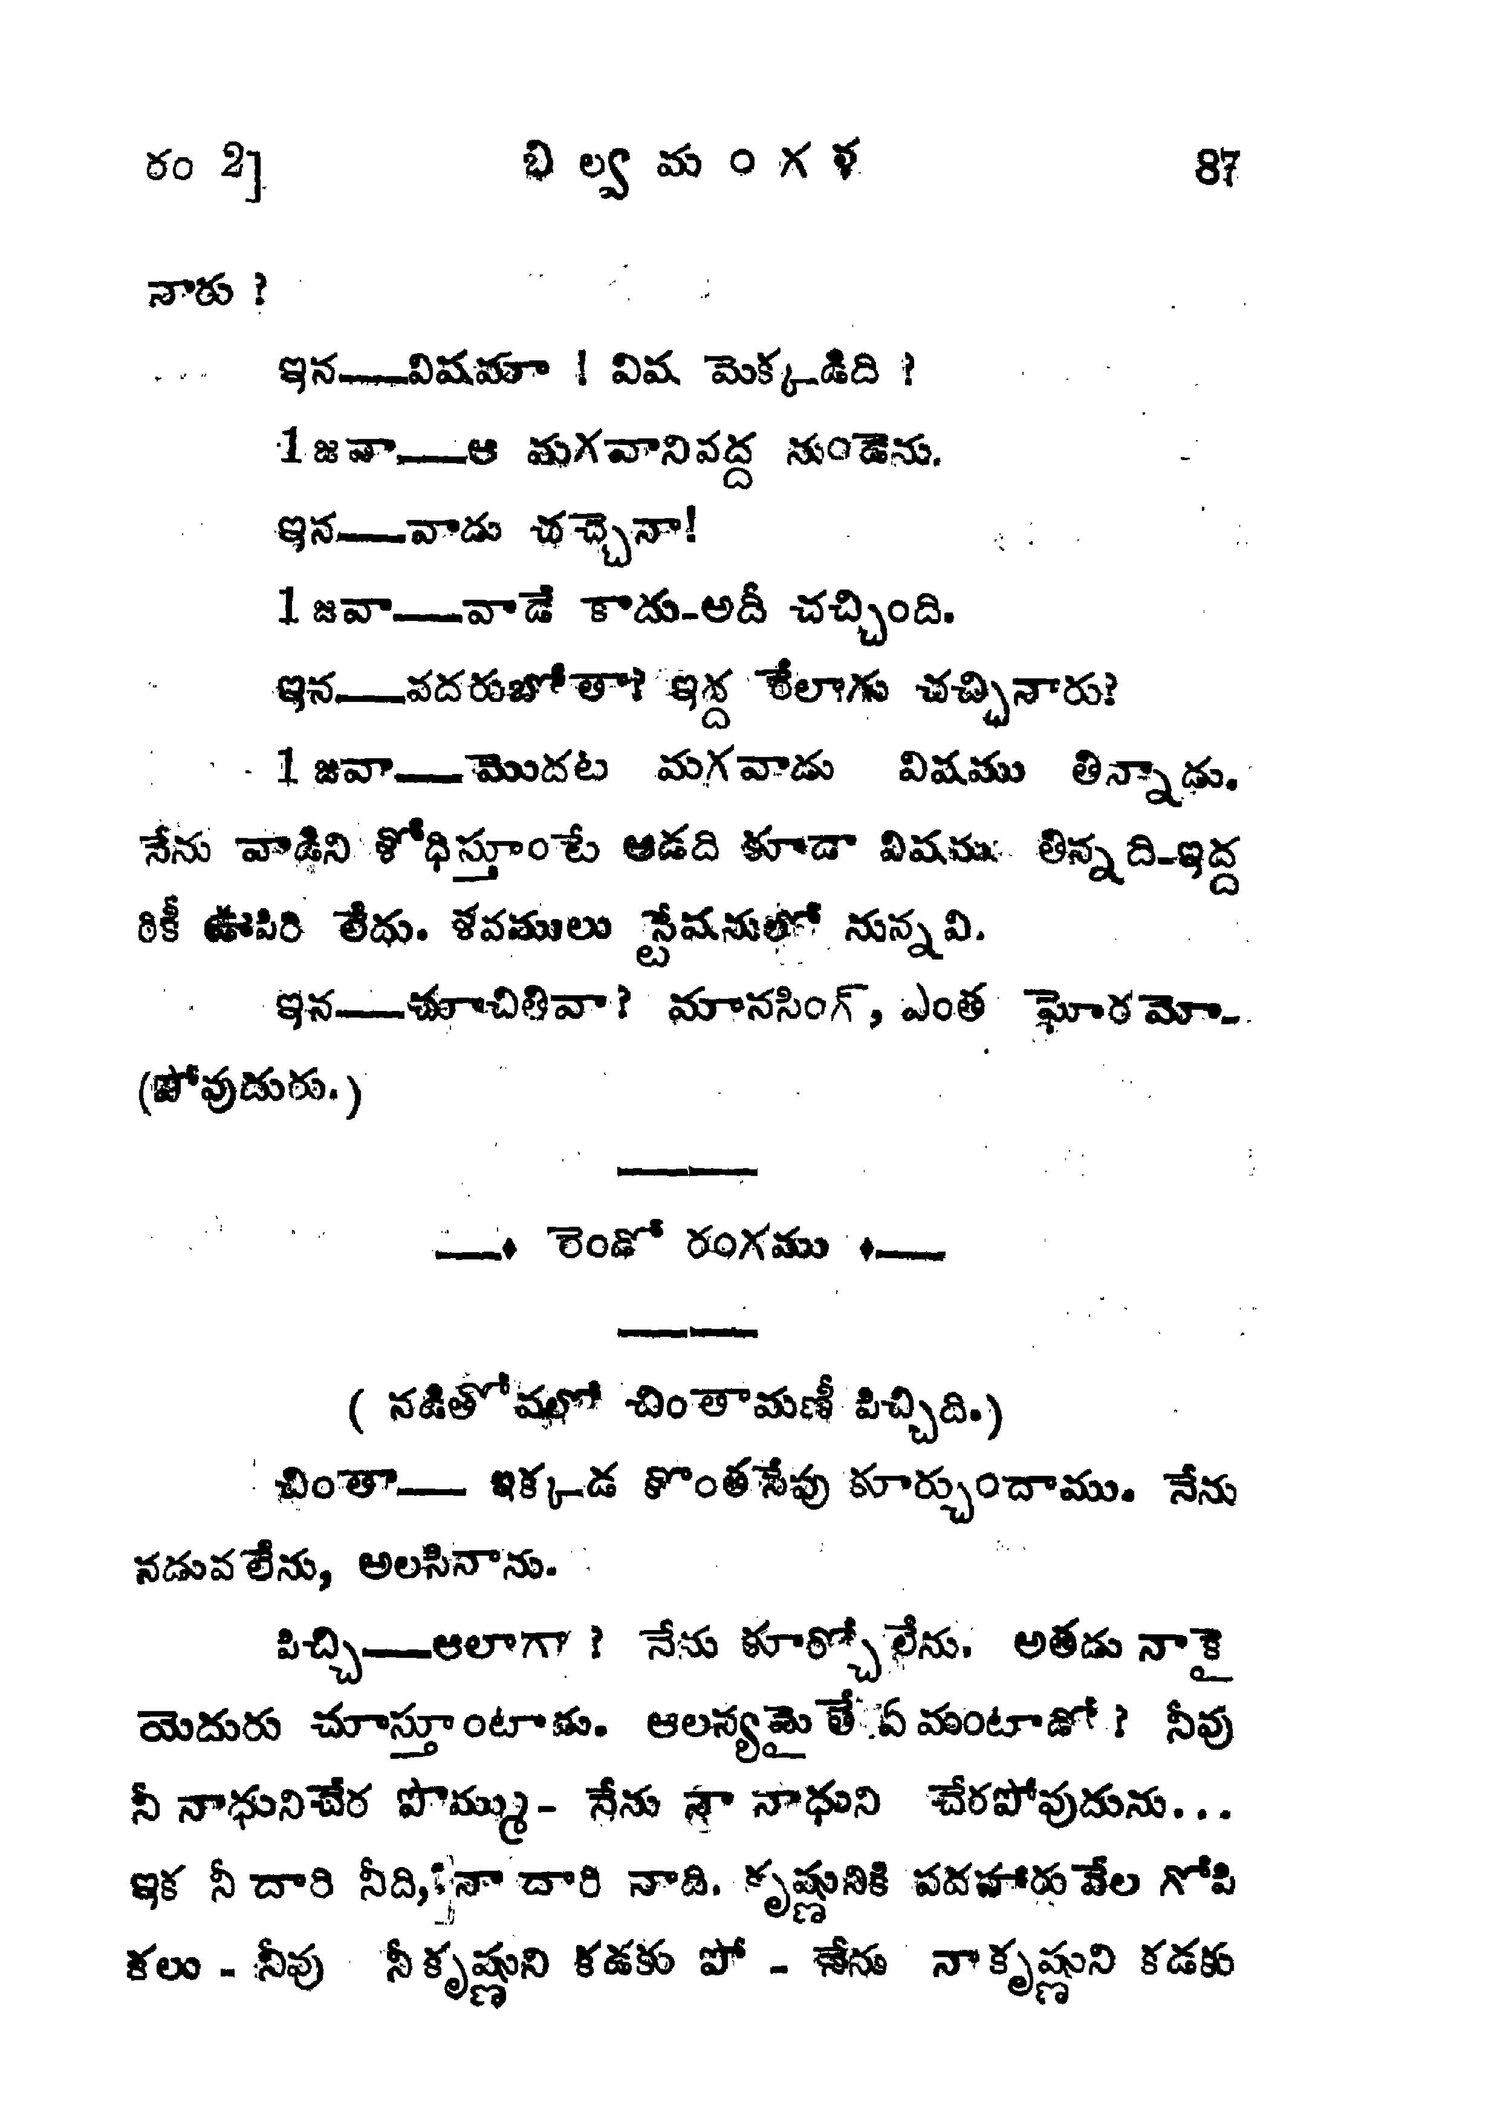నారు?

ఇన - విషమా ! విష మెక్కడిది?

1 జవా - ఆ మగవానివద్ద నుండెను.

ఇన - వాడు చచ్చెనా!

1 జవా - వాడే కాదు-అదీ చచ్చింది.

ఇన - వదరుబోతా? ఇద్ద రేలాగు చచ్చినారు?

1 జవా - మొదట మగవాడు విషము తిన్నాడు. నేను వాడిని శోధిస్తూంటే ఆడది కూడా విషము తిన్నది-ఇద్దరికీ ఊపిరి లేదు. శవములు స్టేషనులో నున్నవి.

ఇన - చూచితివా ? మానసింగ్, ఎంత ఘోరమో-(పోవుదురు.)

చింతా - ఇక్కడ కొంతసేపు కూర్చుందాము. నేను నడువలేను, అలసినాను.

పిచ్చి - ఆలాగా? నేను కూర్చోలేను. అతడు నాకై యెదురు చూస్తుంటాడు. ఆలస్యమైతే ఏమంటాడో? నీవు నీ నాధునిచేర పొమ్ము. నేను నా నాధుని చేరపోవుదును.... ఇక నీ దారి నీది, నా దారి నాది. కృష్ణునికి పదహారువేల గోపికలు - నీవు నీకృష్ణుని కడక పో - నేను నాకృష్ణుని కడకు